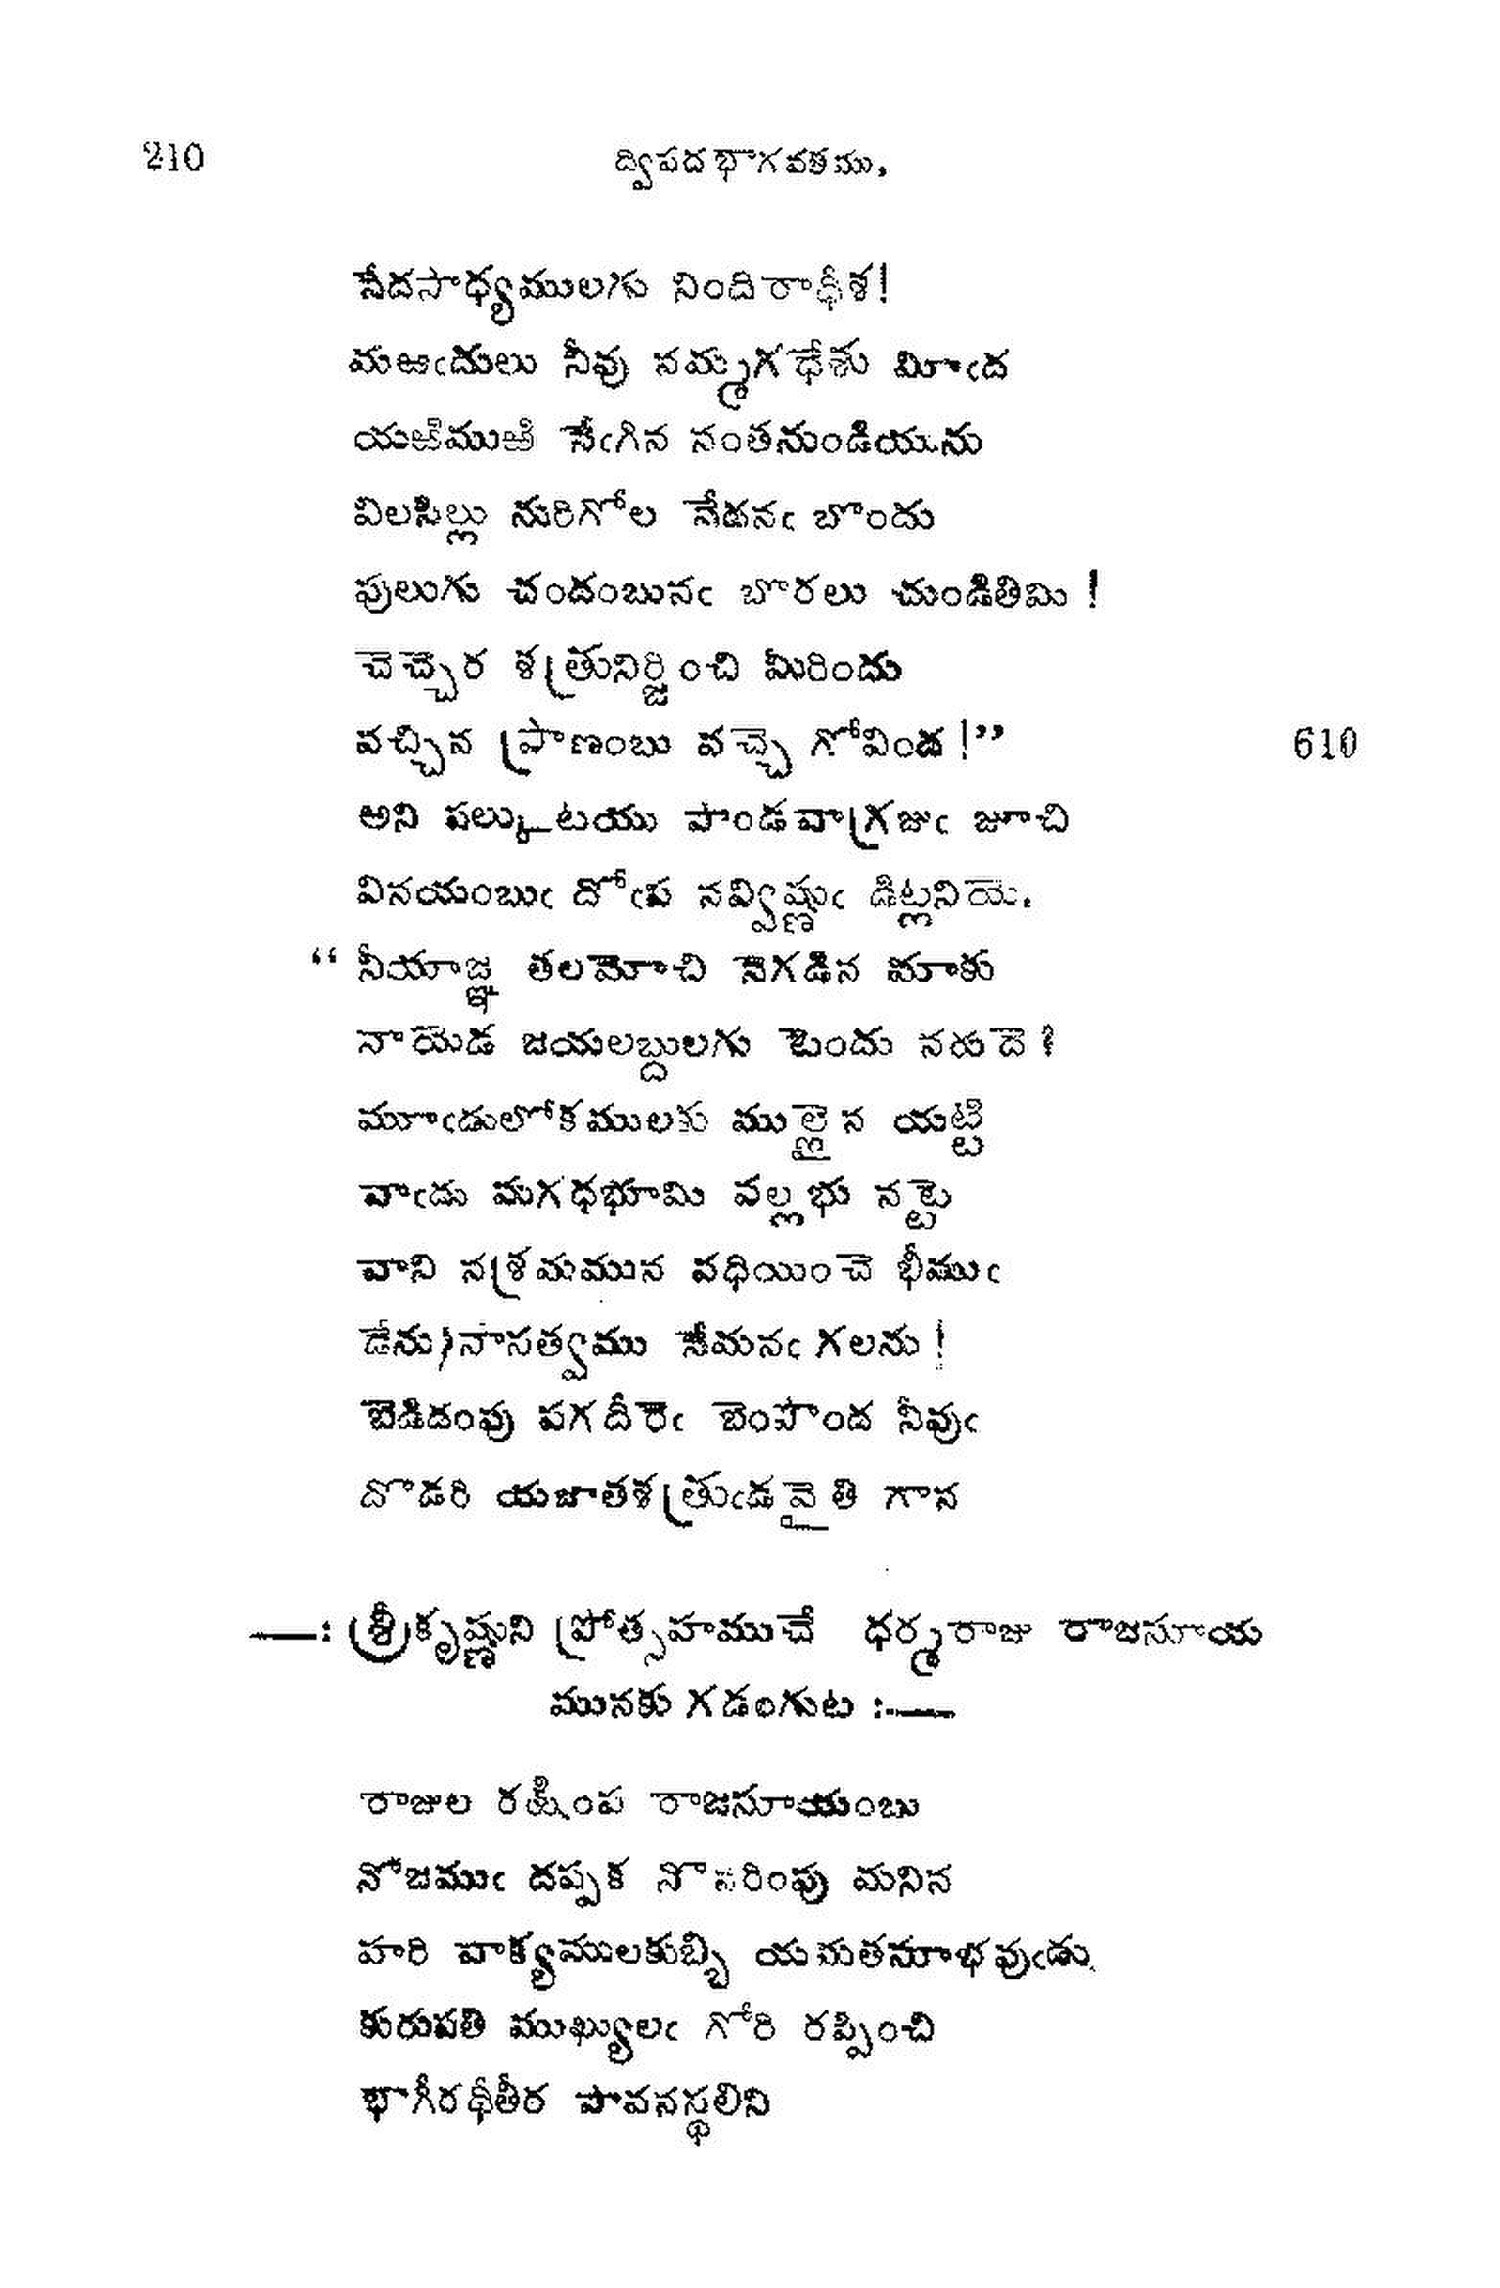నేదసాధ్యములగు నిందిరాధీశ! 
మఱఁదులు నీవు నమ్మగధేశు మీఁద
యఱిముఱి నేఁగిన నంతనుండియును
విలసిల్లు నురిగోల వేదనఁ బొందు
పులుగు చందంబునఁ బొరలు చుండితిమి! 
చెచ్చెర శత్రునిర్జించి మీరిందు
వచ్చిన ప్రాణంబు వచ్చె గోవింద!”
అని పల్కుటయు పాండవాగ్రజుఁ జూచి
వినయంబుఁ దోఁప నవ్విష్ణుఁ డిట్లనియె. 
“నీయాజ్ఞ తలమోచి నెగడిన మాకు
నాయెడ జయలబ్దులగు టెందు నరుదె? 
మూఁడులోకములకు ముల్లైన యట్టి
వాఁడు మగధభూమి వల్లభు నట్టె
వాని నశ్రమమున వధియించె భీముఁ
డేను నాసత్వము నేమనఁగలను! 
బెడిదంపు పగదీరెఁ బెంపొంద నీవుఁ
దొడరి యజాతశత్రుఁడవైతి గాన

రాజుల రక్షింప రాజసూయంబు
నోజముఁ దప్పక నొనరింపు” మనిన
హరి వాక్యములకుబ్బి యమతనూభవుఁడు
కురుపతి ముఖ్యులఁ గోరి రప్పించి
భాగీరథీతీర పావనస్థలిని